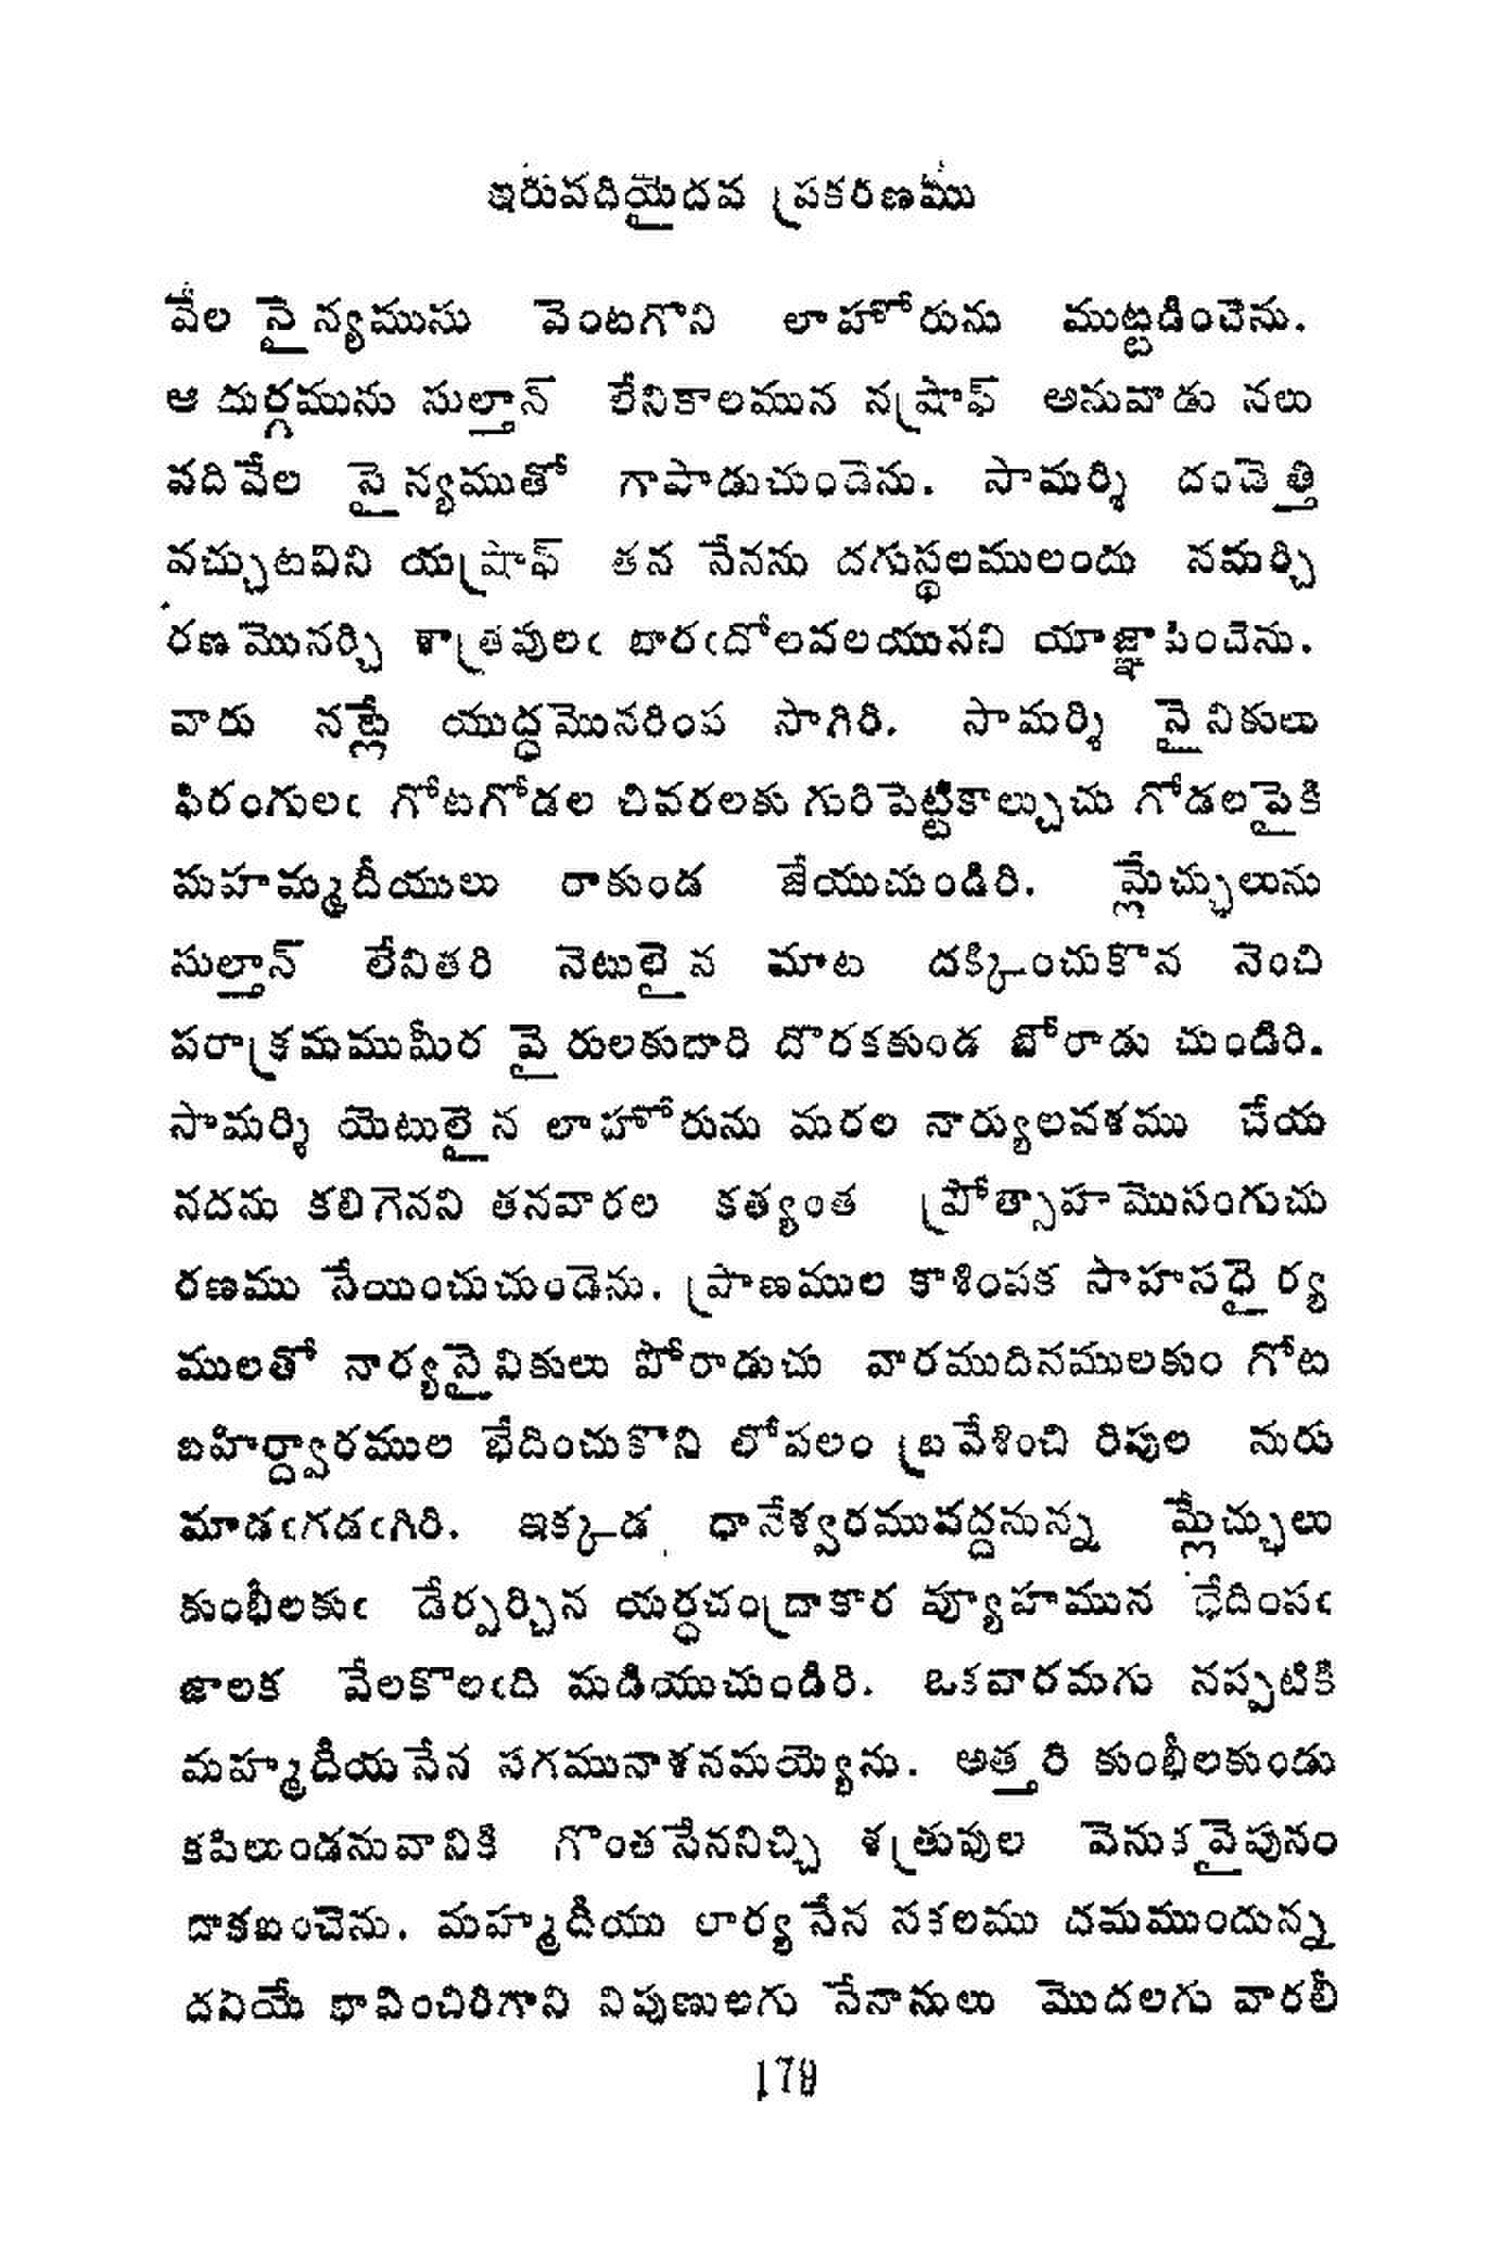వేల సైన్యమును వెంటగొని లాహోరును ముట్టడించెను. ఆ దుర్గమును సుల్తాన్ లేనికాలమున నష్రాఫ్ అనువాడు నలువదివేల సైన్యముతో గాపాడుచుండెను. సామర్శి దండెత్తి వచ్చుటవిని యష్రాఫ్ తన సేనను దగుస్థలములందు నమర్చి రణమొనర్చి శాత్రవులఁ బారఁదోలవలయునని యాజ్ఞాపించెను. వారు నట్లే యుద్ధమొనరింప సాగిరి. సామర్శి సైనికులు ఫిరంగులఁ గోటగోడల చివరలకు గురిపెట్టికాల్పుచు గోడలపైకి మహమ్మదీయులు రాకుండ జేయుచుండిరి. మ్లేచ్చులును సుల్తాన్ లేనితరి నెటులైన మాట దక్కించుకొన నెంచి పరాక్రమముమీర వైరులకుదారి దొరకకుండ బోరాడు చుండిరి. సామర్శి యెటులైన లాహోరును మరల నార్యులవశము చేయ నదను కలిగెనని తనవారల కత్యంత ప్రోత్సాహమొసంగుచు రణము సేయించుచుండెను. ప్రాణముల కాశింపక సాహసధైర్యములతో నార్యసైనికులు పోరాడుచు వారముదినములకుం గోట బహిర్ద్వారముల భేదించుకొని లోపలం బ్రవేశించి రిపుల నురుమాడఁగడఁగిరి. ఇక్కడ ధానేశ్వరమువద్దనున్న మ్లేచ్ఛులు కుంభీలకుఁ డేర్పర్చిన యర్ధచంద్రాకార వ్యూహమున చేదీంప జాలక వేలకొలఁది మడియుచుండిరి. ఒకవారమగు నప్పటికి మహ్మదీయసేన సగమునాశనమయ్యెను. అత్త రి కుంభీలకుండు కపిలుండనువానికి గొంత సేననిచ్చి శత్రువుల వెనుకవైపునం దాకబంచెను. మహ్మదీయు లార్యసేన సకలము దమముందున్న దనియే భావించిరిగాని నిపుణులగు సేనానులు మొదలగు వారలీ